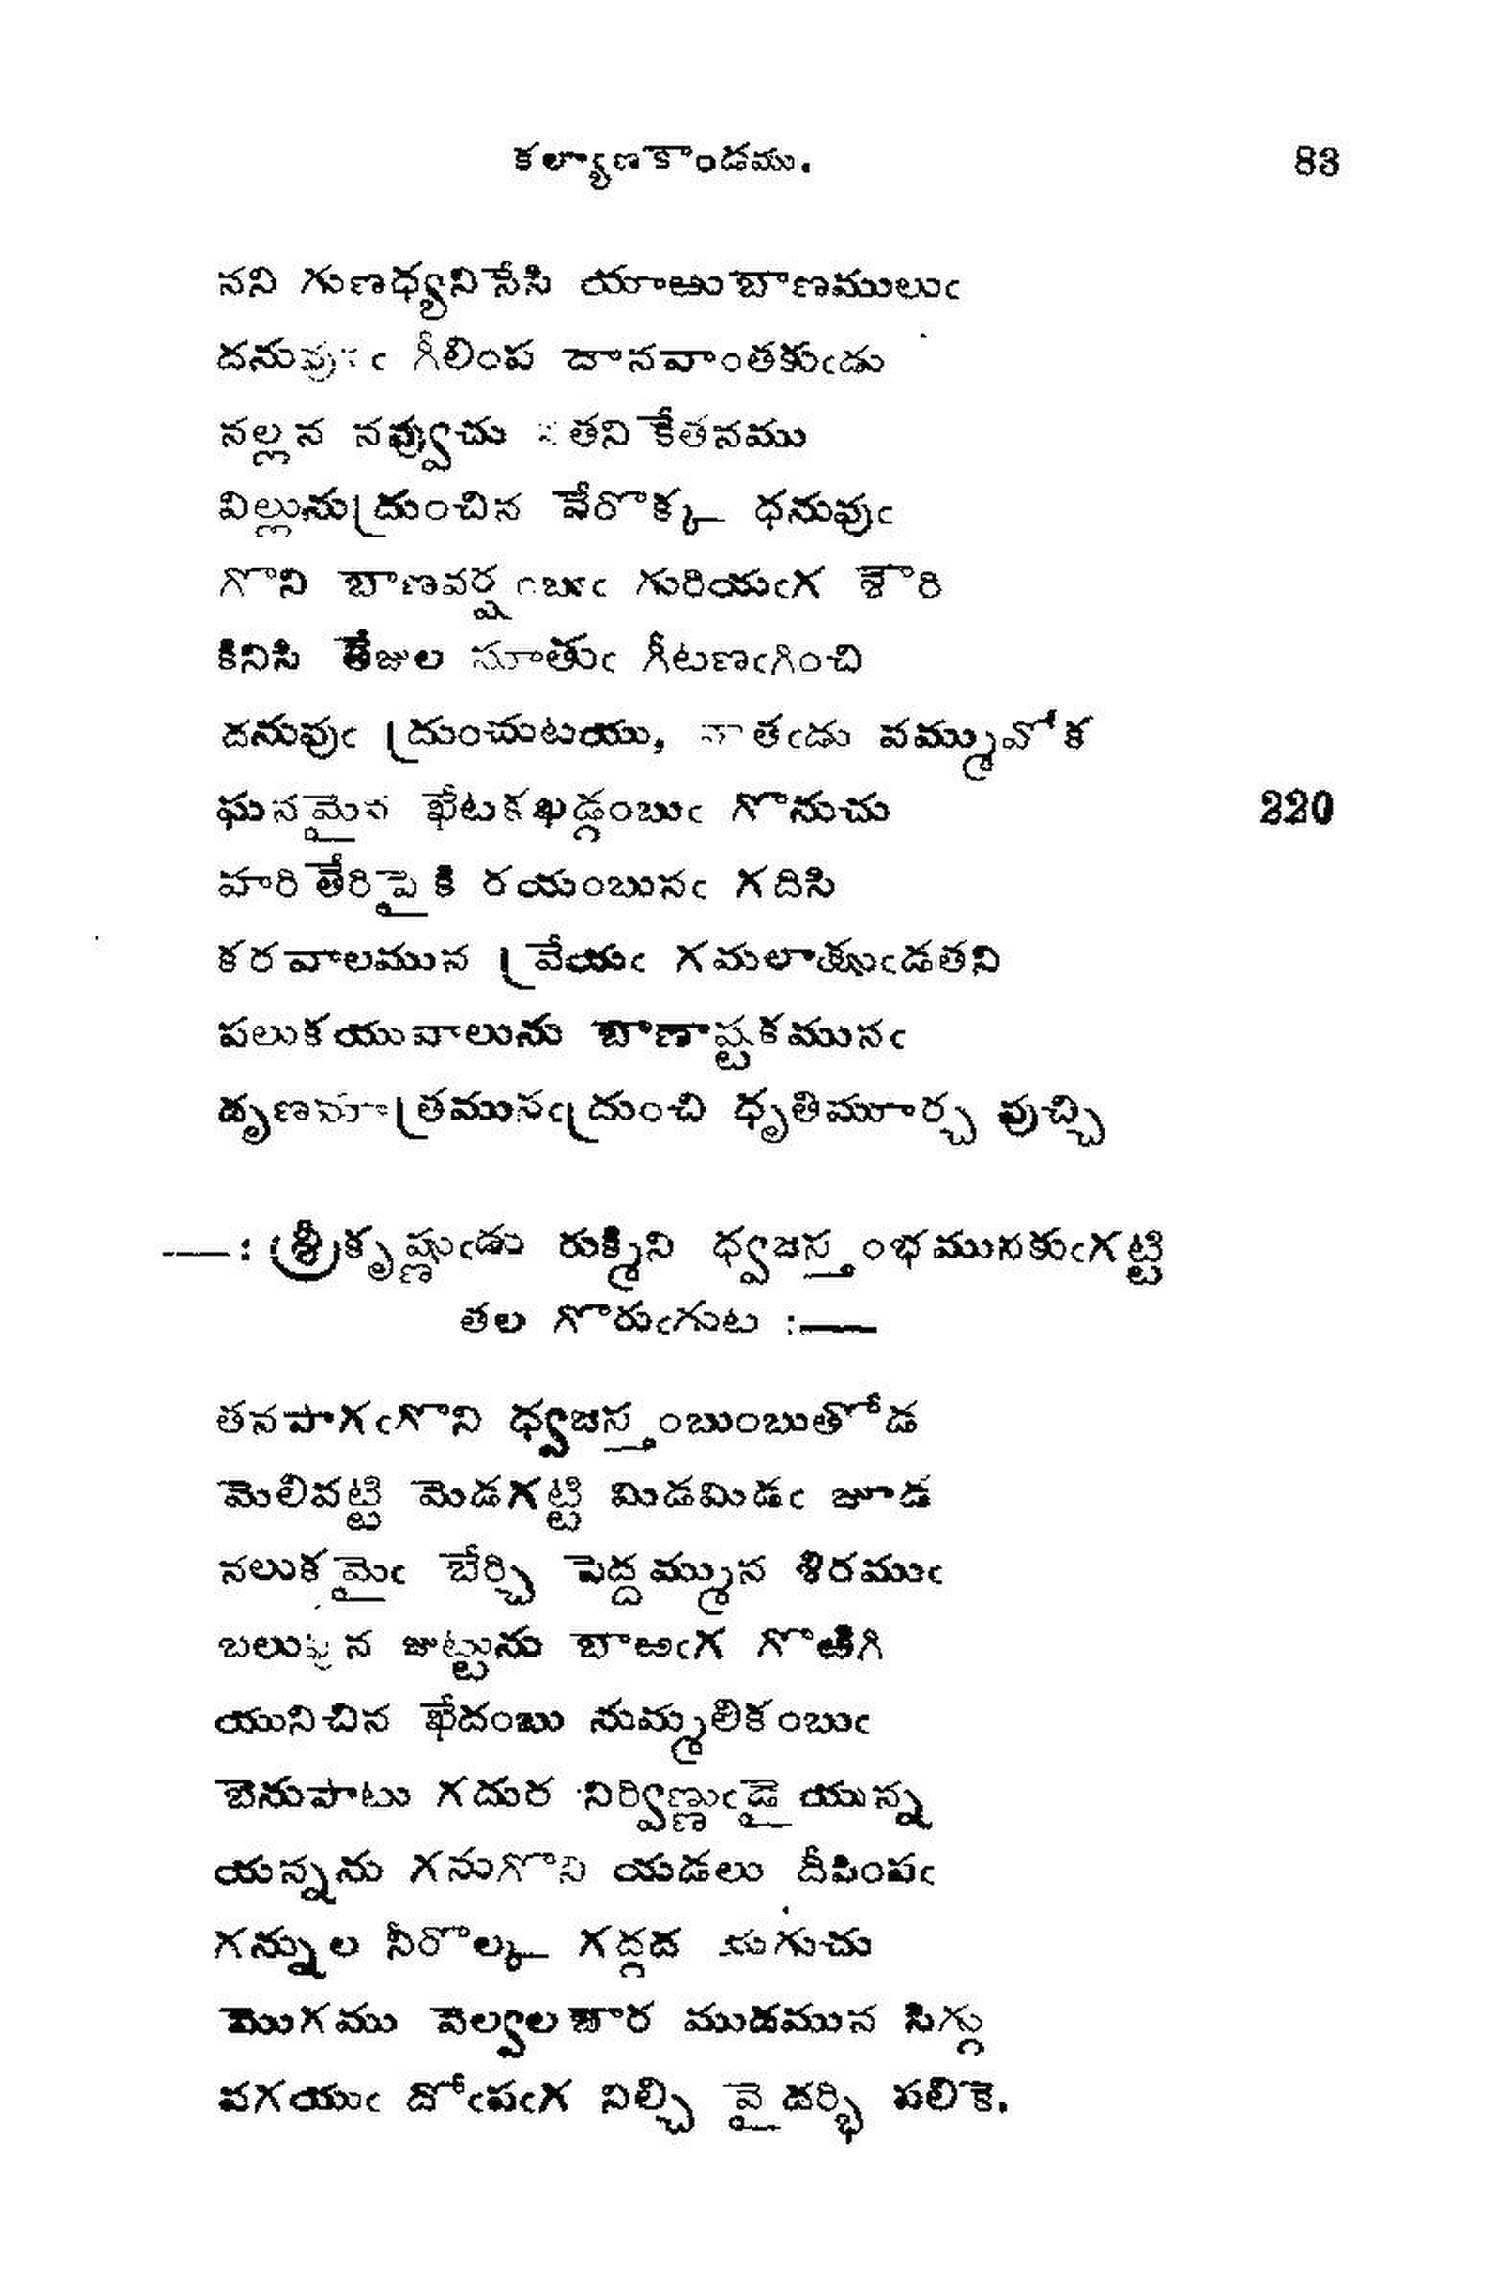నని గుణధ్వని సేసి యాఱుబాణములుఁ
దనువుఁ గీలింప దానవాంతకుఁడు
నల్లన నవ్వుచు నతనికేతనము
విల్లునుద్రుంచిన వేరొక్క ధనువుఁ
గొని బాణవర్షంబుఁ గురియఁగ శౌరి
కనిసి తేజుల సూతుఁ గీటణఁగించి
దనువుఁ ద్రుంచుటయు, నాతఁడు వమ్మువోక
ఘనమైన ఖేటకఖడ్గంబుఁ గొనుచు
హరితేరిపైకి రయంబునఁ గదిసి
కరవాలమున వేయఁ గమలాక్షుఁ డతని
పలుకయు వాలును బాణాష్టకమునఁ
దృణమాత్రమునఁ ద్రుంచి ధృతిమూర్చ వుచ్చి

తనపాగఁగొని ధ్వజస్తంభంబుతోడ
మెలివట్టి మెడగట్టి మిడమిడఁ జూడ
నలుకమైఁ బేర్చి పెద్దమ్మున శిరముఁ
బలుపున జుట్టును బాఱఁగ గొఱిగి
యునిచిన భేదంబు నుమ్మలికంబుఁ
బెనుపాటు గదుర నిర్విణ్ణుఁడై యున్న
యన్నను గనుగొని యడలు దీపింపఁ
గన్నుల నీరొల్క గద్గద యగుచు
మొగము వెల్వలబార ముదమున సిగ్గు
వగయుఁ దోఁపఁగ నిల్చి వైదర్భి పలికె.